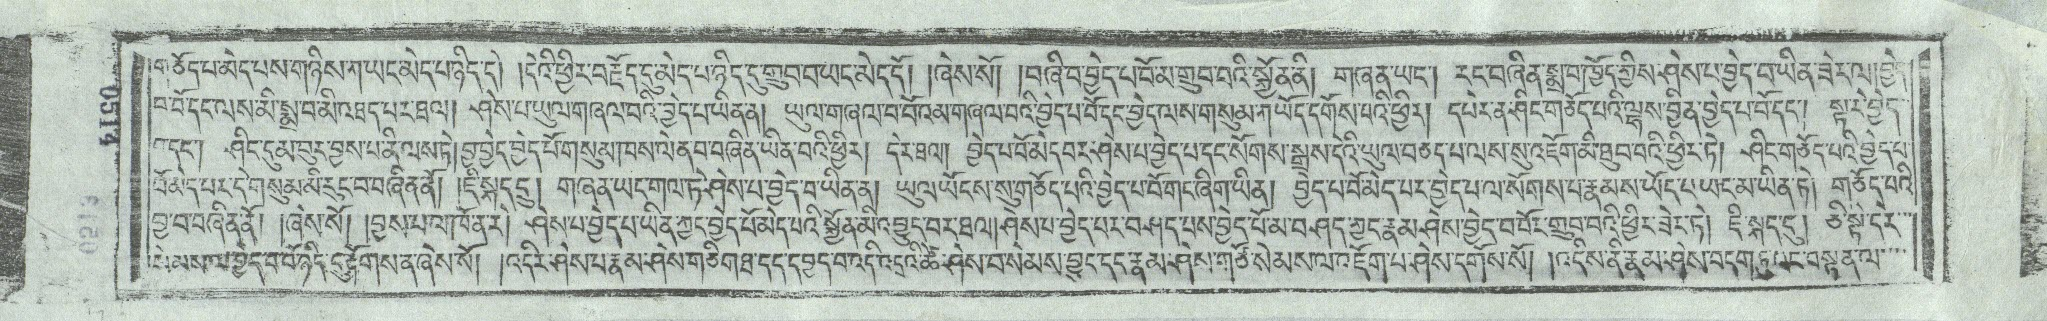གཅོད་པ་མེད་པས་གཉིས་ཀ་ཡང་མེད་པ་ཉིད་དེ། །དེའི་ཕྱིར་བརྗོད་དུ་མེད་པ་ཉིད་དུ་གྲུབ་པ་ཡང་མེད་དོ། །ཞེས་སོ། །བཞི་པ་བྱེད་པ་པོ་མ་གྲུབ་པའི་སྐྱོན་ནི། གཞན་ཡང་། རང་བཞིན་སྨྲ་བ་ཁྱོད་ཀྱིས་ཤེས་པ་བྱེད་པ་ཡིན་ཟེར་ལ་བྱེད་
པ་པོ་དང་ལས་མི་སྨྲ་བ་མི་འཐད་པར་ཐལ། ཤེས་པ་ཡུལ་གཞལ་བའི་བྱེད་པ་ཡིན་ན། ཡུལ་གཞལ་བ་བོ་འམ་གཞལ་བའི་བྱེད་པ་པོ་དང་བྱེད་ལས་གསུམ་ཀ་ཡོད་དགོས་པའི་ཕྱིར། དཔེར་ན་ཤིང་གཅོད་པའི་ལྷས་བྱིན་བྱེད་པ་པོ་དང་། སྟ་རེ་བྱེད་
པ་དང་། ཤིང་དུམ་བུར་བྱས་པ་ནི་ལས་ཏེ། བྱ་བྱེད་བྱེད་པོ་གསུམ་ཁས་ལེན་པ་བཞིན་ཡིན་པའི་ཕྱིར། དེར་ཐལ། བྱེད་པ་པོ་མེད་པར་ཤེས་པ་བྱེད་པ་དང་སོགས་སྒྲས་དེའི་ཡུལ་བཅད་པ་ལས་སུ་འཇོག་མི་ཐུབ་པའི་ཕྱིར་ཏེ། ཤིང་གཅོད་པའི་བྱེད་པ་
པོ་མེད་པར་དེ་གསུམ་མི་རུང་བ་བཞིན་ནོ། །ཇི་སྐད་དུ། གཞན་ཡང་གལ་ཏེ་ཤེས་པ་བྱེད་པ་ཡིན་ན། ཡུལ་ཡོངས་སུ་གཅོད་པའི་བྱེད་པ་པོ་གང་ཞིག་ཡིན། བྱེད་པ་པོ་མེད་པར་བྱེད་པ་ལ་སོགས་པ་རྣམས་ཡོད་པ་ཡང་མ་ཡིན་ཏེ། གཅོད་པའི་
བྱ་བ་བཞིན་ནོ། །ཞེས་སོ། །བྱས་པ་ལ་ཁོ་ན་རེ། ཤེས་པ་བྱེད་པ་ཡིན་ཀྱང་བྱེད་པོ་མེད་པའི་སྐྱོན་མི་འབྱུང་བར་ཐལ། ཤེས་པ་བྱེད་པར་བཤད་པས་བྱེད་པོ་མ་བཤད་ཀྱང་རྣམ་ཤེས་བྱེད་པ་པོར་གྲུབ་པའི་ཕྱིར་ཟེར་ཏེ། ཇི་སྐད་དུ། ཅི་སྟེ་དར་
སེམས་ལ་བྱེད་པ་པོ་ཉིད་དུ་རྟོགས་ན་ཞེས་སོ། །འདིར་ཤེས་པ་རྣམ་ཤེས་གཅིག་ཐ་དད་དཔྱད་པ་འདི་འདྲའི་ཚེ་ཤེས་པ་སེམས་བྱུང་དང་རྣམ་ཤེས་གཙོ་སེམས་ལ་འཇོག་པ་ཤེས་དགོས་སོ། །འདིས་ནི་རྣམ་ཤེས་བདག་ཏུའང་བསྟན་ལ་